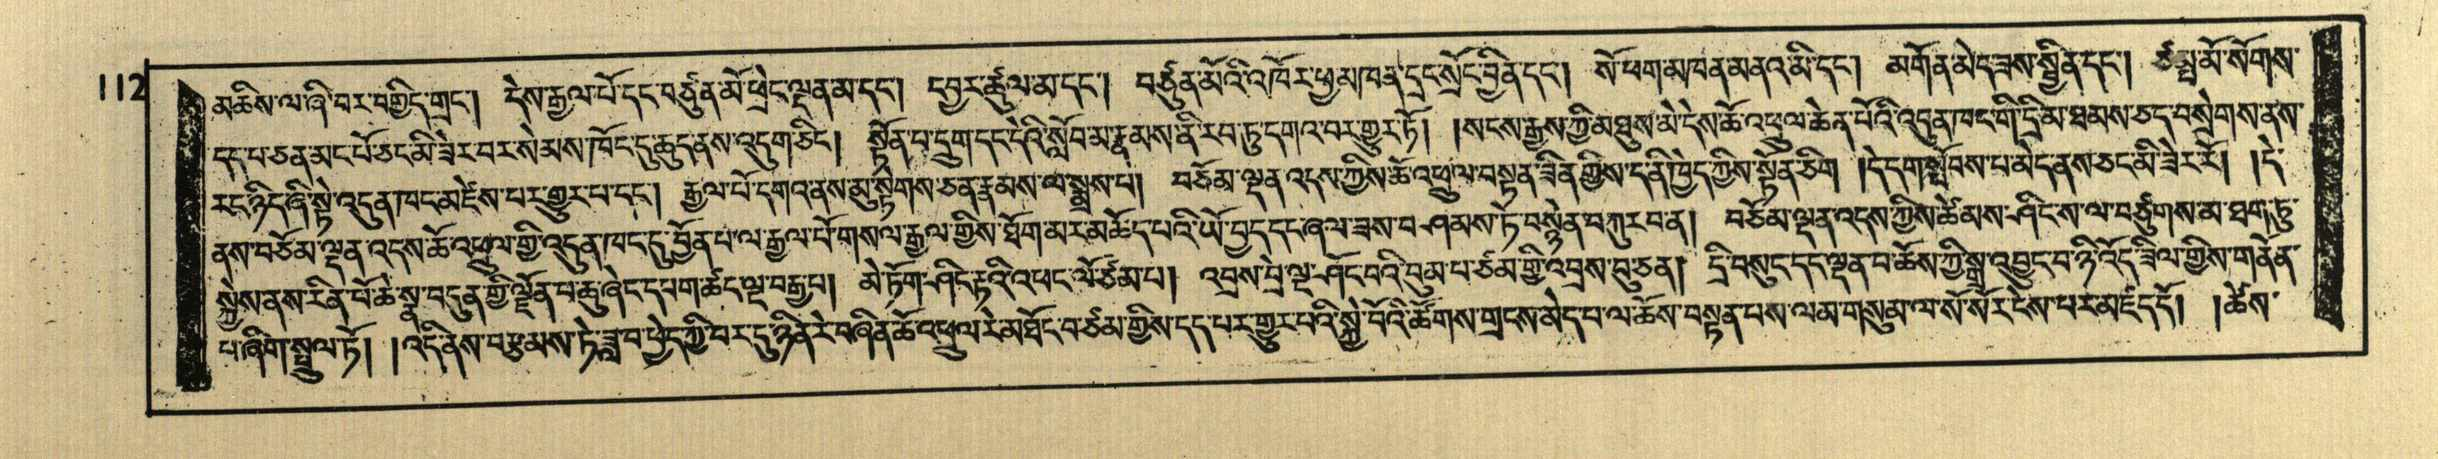མཆིས་ལ་ཞི་བར་བགྱིད་གྲང་། དེས་རྒྱལ་པོ་དང་བཙུན་མོ་ཕྲེང་ལྡན་མ་དང་། དབྱར་ཚུལ་མ་དང་། བཙུན་མོའི་འཁོར་ཕྱ་མཁན་དྲང་སྲོང་བྱིན་དང་། སོ་ཕག་མཁན་མནའ་མི་དང་། མགོན་མེད་ཟས་སྦྱིན་དང་། ཙམ་པ་མོ་སོགས་
དད་པ་ཅན་མང་པོ་ཅང་མི་ཟེར་བར་སེམས་ཁོང་དུ་ཆུད་ནས་འདུག་ཅིང་། སྟོན་པ་དྲུག་དང་དེའི་སློབ་མ་རྣམས་ནི་རབ་ཏུ་དགའ་བར་གྱུར་ཏོ། །སངས་རྒྱས་ཀྱི་མཐུས་མེ་དེས་ཆོ་འཕྲུལ་ཆེན་པོའི་འདུན་ཁང་གི་དྲི་མ་ཐམས་ཅད་བསྲེགས་ནས་
རང་ཉིད་ཞི་སྟེ་འདུན་ཁང་མཛེས་པར་གྱུར་པ་དང་། རྒྱལ་པོ་དགའ་ནས་མུ་སྟེགས་ཅན་རྣམས་ལ་སྨྲས་པ། བཅོམ་ལྡན་འདས་ཀྱིས་ཆོ་འཕྲུལ་བསྟན་ཟིན་གྱིས་ད་ནི་ཁྱེད་ཀྱིས་སྟོན་ཅིག །དེ་དག་སྤོབས་པ་མེད་ནས་ཅད་མི་ཟེར་རོ། །དེ་
ནས་བཅོམ་ལྡན་འདས་ཆོ་འཕྲུལ་གྱི་འདུན་ཁང་དུ་བྱོན་པ་ལ་རྒྱལ་པོ་གསལ་རྒྱལ་གྱིས་ཐོག་མར་མཆོད་པའི་ཡོ་བྱད་དང་ཞལ་ཟས་བཤམས་ཏེ་བསྙེན་བཀུར་བ་ན། བཅོམ་ལྡན་འདས་ཀྱིས་ཚེམས་ཤིང་ས་ལ་བཙུགས་མ་ཐག་ཏུ་
སྐྱེས་ནས་རིན་པོ་ཆེ་སྣ་བདུན་གྱི་ལྗོན་པ་ཆུ་ཞིང་དཔག་ཚང་ལྔ་བརྒྱ་པ། མེ་ཏོག་ཤིང་རྟའི་འཕང་ལོ་ཙམ་པ། འབྲས་བྲེ་ལྔ་ཤོང་བའི་བུམ་པ་ཙམ་གྱི་འབྲས་བུ་ཅན། དྲི་བསུང་དང་ལྡན་པ་ཆོས་ཀྱི་སྒྲ་འབྱུང་བ་ཉི་འོད་ཟིལ་གྱིས་གནོན་
པ་ཞིག་སྤྲུལ་ཏོ། །འདི་ནས་བརྩམས་ཏེ་ཟླ་བ་ཕྱེད་ཀྱི་བར་དུ་ཉིན་རེ་བཞིན་ཆོ་འཕྲུལ་རེ་མཐོང་བ་ཙམ་གྱིས་དད་པར་འགྱུར་པའི་སྐྱེ་བོའི་ཚོགས་གྲངས་མེད་པ་ལ་ཆོས་བསྟན་པས་ལམ་གསུམ་ལ་སོ་སོར་ངེས་པར་མཛད་དོ། །ཚེས་